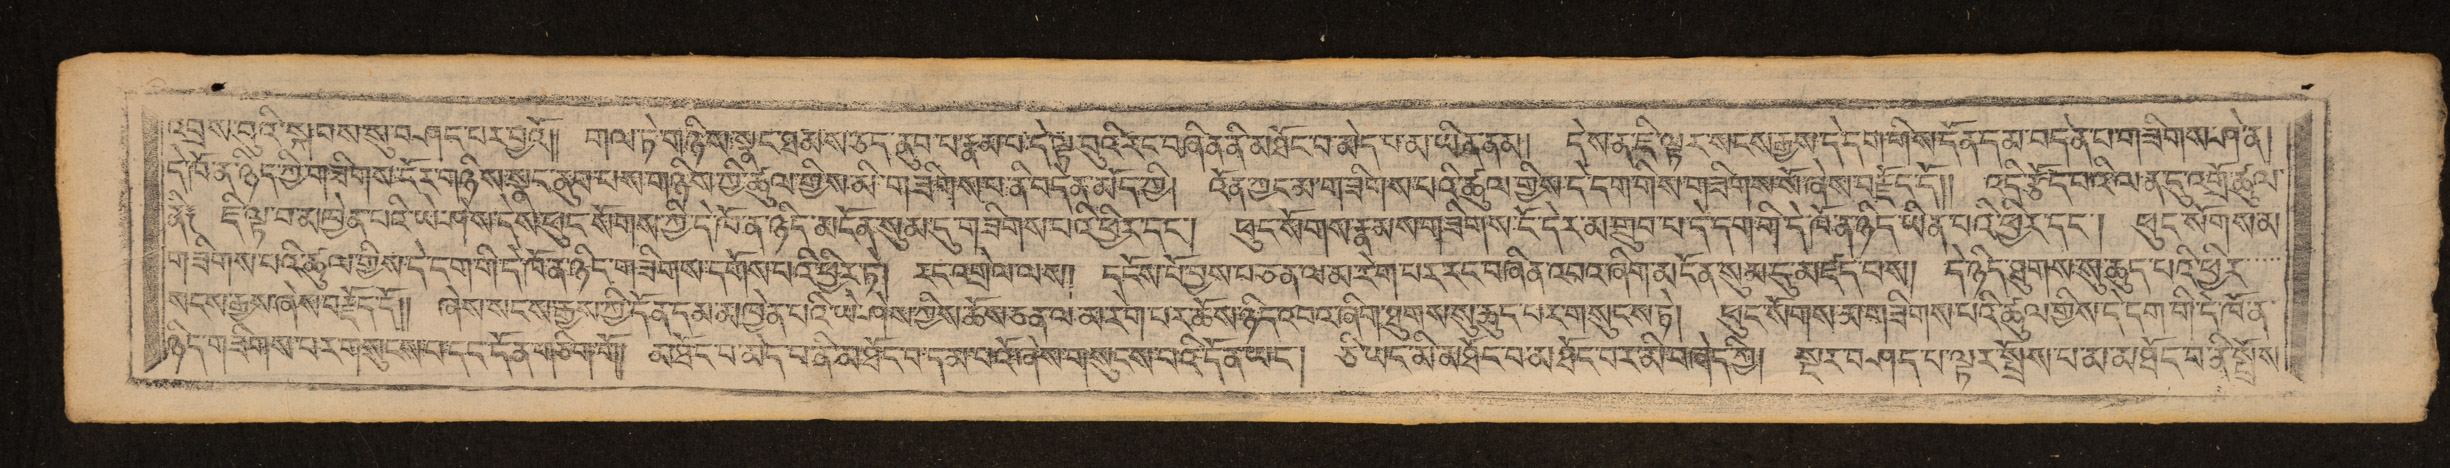འབྲས་བུའི་སྐབས་སུ་བཤད་པར་བྱའོ།། གལ་ཏེ་གཉིས་སྣང་ཐམས་ཅད་ནུབ་པ་རྣམ་པ་དེ་ལྟ་བུའི་རང་བཞིན་ནི་མཐོང་བ་མེད་པ་མ་ཡིན་ནམ། དེས་ན་ཇི་ལྟར་སངས་རྒྱས་དེ་དག་གིས་དོན་དམ་བདེན་པ་གཟིགས་ཤེ་ན།
དེ་ཁོ་ན་ཉིད་ཀྱི་གཟིགས་ངོར་གཉིས་སྣང་ནུབ་པས་གཉིས་ཀྱི་ཚུལ་གྱིས་མི་གཟིགས་པ་ནི་བདེན་མོད་ཀྱི། འོན་ཀྱང་མ་གཟིགས་པའི་ཚུལ་གྱིས་དེ་དག་གིས་གཟིགས་སོ་ཞེས་བརྗོད་དོ།། འདི་རྩོད་པའི་ལན་དུ་འགྲོ་ཚུལ་
ནི༑ ཇི་ལྟ་བ་མཁྱེན་པའི་ཡེ་ཤེས་དེས་ཕུང་སོགས་ཀྱི་དེ་ཁོ་ན་ཉིད་མངོན་སུམ་དུ་གཟིགས་པའི་ཕྱིར་དང་། ཕུང་སོགས་རྣམས་གཟིགས་ངོ་དེར་མ་གྲུབ་པ་དེ་དག་གི་དེ་ཁོ་ན་ཉིད་ཡིན་པའི་ཕྱིར་དང་། ཕུང་སོགས་མ་
གཟིགས་པའི་ཚུལ་གྱིས་དེ་དག་གི་དེ་ཁོ་ན་ཉིད་གཟིགས་དགོས་པའི་ཕྱིར་ཏེ། རང་འགྲེལ་ལས། དངོས་པོ་བྱས་པ་ཅན་ལ་མ་རེག་པར་རང་བཞིན་འབའ་ཞིག་མངོན་སུམ་དུ་མཛད་པས། དེ་ཉིད་ཐུགས་སུ་ཆུད་པའི་ཕྱིར་
སངས་རྒྱས་ཞེས་བརྗོད་དོ།། ཞེས་སངས་རྒྱས་ཀྱི་དོན་དམ་མཁྱེན་པའི་ཡེ་ཤེས་ཀྱིས་ཆོས་ཅན་ལ་མ་རེག་པར་ཆོས་ཉིད་འབའ་ཞིག་ཐུགས་སུ་ཆུད་པར་གསུངས་ཏེ། ཕུང་སོགས་མ་གཟིགས་པའི་ཚུལ་གྱིས་དེ་དག་གི་དེ་ཁོ་ན་
ཉིད་གཟིགས་པར་གསུངས་པ་དང་དོན་གཅིག་གོ། མཐོང་བ་མེད་པ་ནི་མཐོང་བ་དམ་པའོ་ཞེས་གསུངས་པའི་དོན་ཡང་། ཅི་ཡང་མི་མཐོང་བ་མཐོང་བར་མི་བཞེད་ཀྱི། སྔར་བཤད་པ་ལྟར་སྤྲོས་པ་མ་མཐོང་བ་ནི་སྤྲོས་